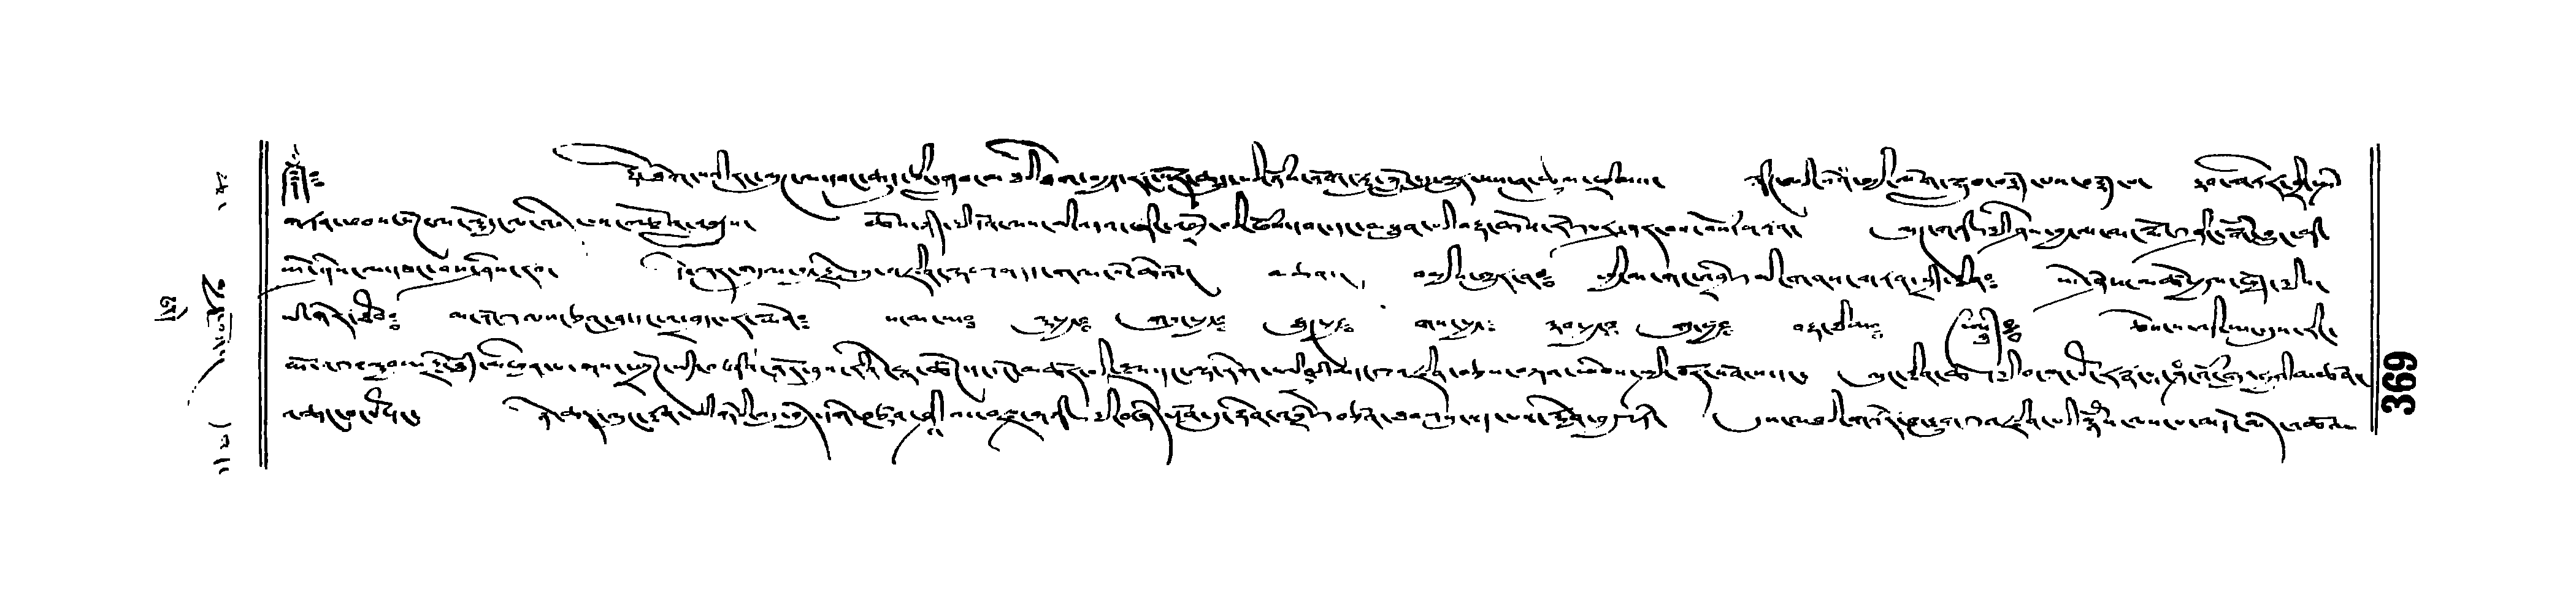རྡོ་རྗེ་ཐེག་པའི་རིང་ལུགས་ལ་དབང་འབྱོར་པས་ཐེག་བརྒྱད་གྲུབ་མཐའ་སོ་སོ་མ་འདྲེས་པར་ཉམས་འོག་ཏུ་ཚུད་པའམ་ཀློང་དུ་གྱུར་པས་ན་ཚུལ་ཁྲིམས།སྙིགས་མའི་སེམས་ཅན་གྱི་ལོག་སྒྲུབ་བཟོད་པས་བཟོད་པ། ཟབ་གཏེར་བྲི་སྤེལ་
གཏན་ཕབས་སོགས་ལ་སྐྱོ་ངལ་མེད་པས་བརྩོན་འགྲུས། ཆོས་ཉིད་ཀྱི་དོན་ལས་མི་འདའ་ཞིང་འགྲོ་བའི་ཁམས་དབང་དང་མཐུན་པའི་བརྡ་ཆོས་རོལ་པར་ཤར་བས་བསམ་གཏན། ལུགས་གཉིས་ཀྱི་ཤེས་བྱ་ལ་མ་རྨོངས་ཤིང་སྒོམ་བྱུང་གི་
ཡེ་ཤེས་ལ་དབང་བས་ཤེས་རབ། དེ་ལྟར་གདུལ་བྱ་རྗེས་སུ་འཇིན་སྐབས་གནད་གལ་པོ་ཆེའོ། མཆན། བགྱིས་གྱུར་ན༔ ཕྱི་མ་གང་འབྲེལ་མི་གནས་གཏན་སྲིད་ཟིན༔ ཡེ་ཤེས་མཚོ་རྒྱལ་ཁྱོད་ཀྱིས་
ཡི་གེར་ཐོབ༔ མ་འོངས་ལས་ཅན་བུ་དང་འཕྲད་པར་སྨོན༔ ས་མ་ཡཿ སྐུ་རྒྱ༔ གསུང་རྒྱ༔ གསང་རྒྱ༔ ཟབ་རྒྱ༔ གུ་ཧྱ༔ བརྡ་ཐིམ༔ ༔ ཅེས་པ་འདི་ཡང་དུས་རིང་
མོ་ནས་སྐྱབས་རྗེ་ཐམས་ཅད་མཁྱེན་པ་གསར་གྲོགས་ཡིད་བཞིན་ནོར་བུས་རིན་ཆེན་སྣ་ཚོགས་དང་ངོ་མཚར་བའི་རྫས། ལྷ་རེག་ཨིནྡྲའི་མདངས་འཛིན་བཅས་བཀའ་ཕེབས་སྤྱི་བོར་སོན་པ་དང་། ལུང་ཟིན་ཆོས་ཀྱི་བདག་པོ་རཏྣ་པཱ་ཤཾ་མམ་གུ་ཧྱའི་མཚན་
འཆང་བ་པོ་དང་། ཉེ་ཆར་ལུང་ཟིན་ཡི་གེའི་འདུ་བྱེད་དགེ་བཙུན་ཤཱི་ལ་བཛྲ་གཉིས་ཀྱི་བཞེད་དོན་དུ་རྟེན་འབྲེལ་བཙན་ཐབས་སུ་སད་པས་རྐྱེན་བྱས་ཏེ། དུས་མཐའི་གཏེར་གཟུགས་འཛིན་པའི་སྙོམས་ལས་མདོ་མེད་འཆོལ་